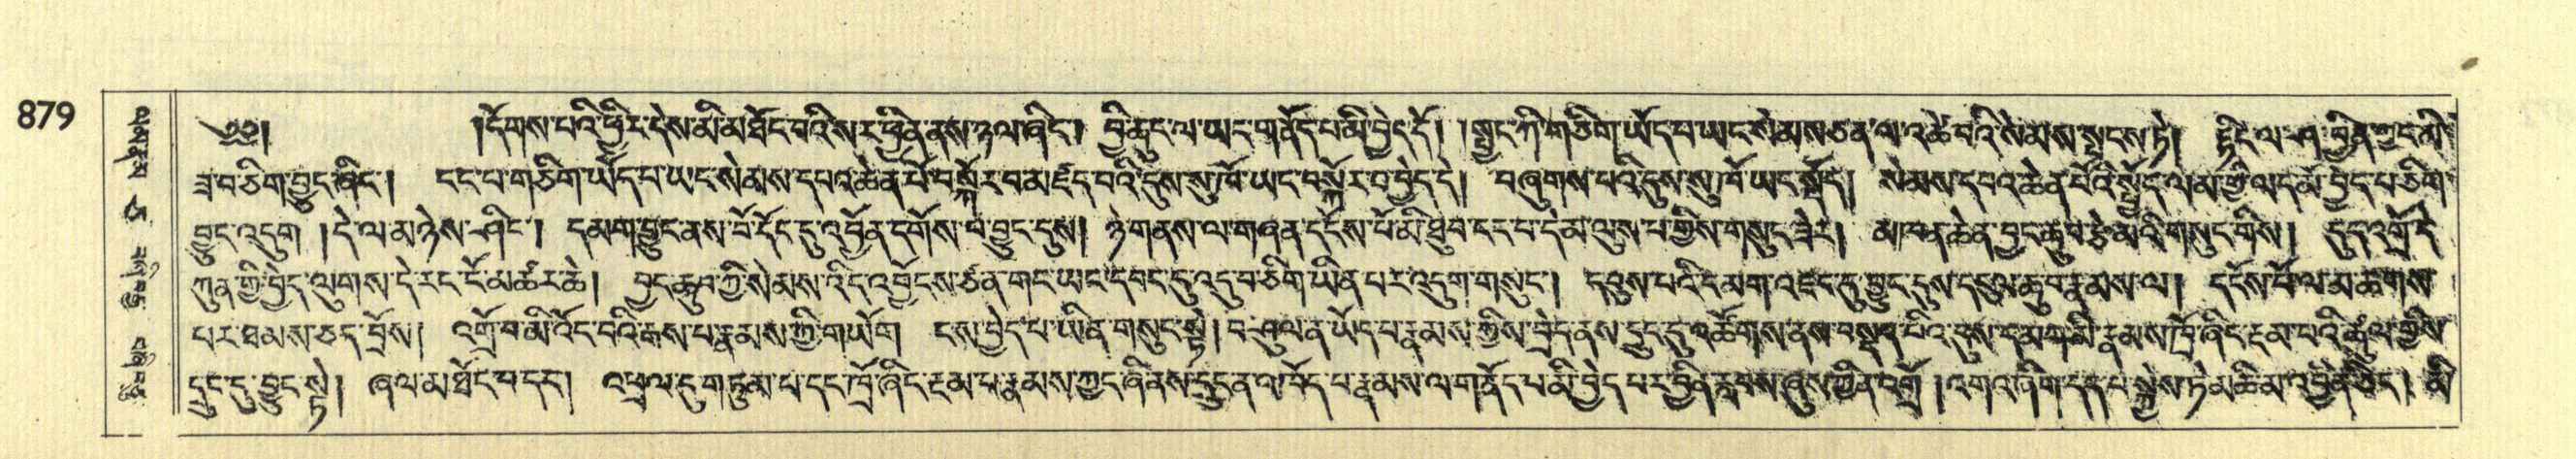༄༅། །དོགས་པའི་ཕྱིར་དེས་མི་མཐོང་བའི་སར་ཕྱིན་ནས་ཉལ་ཞིང་། བྱི་ཆུང་ལ་ཡང་གནོད་པ་མི་བྱེད་དོ། །སྤྱང་ཀི་གཅིག་ཡོད་པ་ཡང་སེམས་ཅན་ལ་འཚེ་བའི་སེམས་སྤངས་ཏེ། རྟིང་ལ་ཤ་བྱིན་ཀྱང་མི་
ཟ་བ་ཅིག་བྱུང་ཞིང་། ངང་པ་གཅིག་ཡོད་པ་ཡང་སེམས་དཔའ་ཆེན་པོ་བསྐོར་བ་མཛད་པའི་དུས་སུ་ཁོ་ཡང་བསྐོར་བ་བྱེད་དེ། བཞུགས་པའི་དུས་སུ་ཁོ་ཡང་སྡོད། སེམས་དཔའ་ཆེན་པོའི་སྤྱོད་ལམ་གྱི་ལད་མོ་བྱེད་པ་ཅིག་
བྱུང་འདུག །དེ་ལ་མཉེས་ཤིང་། དམག་བྱུང་ནས་བོ་དོང་དུ་འབྱོན་དགོས་པ་བྱུང་དུས། ཉེ་གནས་ལ་གཞན་དངོས་པོ་མི་ཐུབ་ངང་པ་དེ་མ་ལུས་པ་གྱིས་གསུང་ཟེར། མཁན་ཆེན་བྱང་ཆུབ་རྩེ་མའི་གསུང་གིས། དུད་འགྲོ་དེ་
ཀུན་གྱི་བྱེད་ལུགས་དེ་རང་ངོ་མཚར་ཆེ། བྱང་ཆུབ་ཀྱི་སེམས་འདི་འབྱོངས་ཙ་ན་གང་ཡང་དབང་དུ་འདུ་བ་ཅིག་ཡིན་པར་འདུག་གསུང་། དབུས་པའི་དམག་འཇང་དུ་བྱུང་དུས་དངུལ་ཆུ་བ་རྣམས་ལ། དངོས་པོ་ལ་མ་ཆགས་
པར་ཐམས་ཅད་བྲོས། འགྲོ་བ་མི་འོང་བའི་རྒས་པ་རྣམས་ཀྱི་གཡོག་ངས་བྱེད་པ་ཡིན་གསུང་སྟེ། བ་ཤུལ་ན་ཡོད་པ་རྣམས་ཀྱིས་བྲེད་ནས་དྲུང་དུ་འཚོགས་ནས་བསྡད་པའི་དུས་དམག་མི་རྣམས་ཁྲོ་ཞིང་རྔམ་པའི་ཚུལ་གྱིས་
དྲུང་དུ་བྱུང་སྟེ། ཞལ་མཐོང་བ་དང་། འཕྲལ་དུ་གཏུམ་པ་དང་ཁྲོ་ཞིང་རྔམ་པ་རྣམས་ཀྱང་ཞི་ནས་དྲུང་ན་འཁོད་པ་རྣམས་ལ་གནོད་པ་མི་བྱེད་པར་བྱིན་རླབས་ཞུས་ཀྱིན་འགྲོ། འགའ་ཞིག་དད་པ་སྐྱེས་ཏེ་མཆི་མ་འབྱིན་ཅིང་། མི་